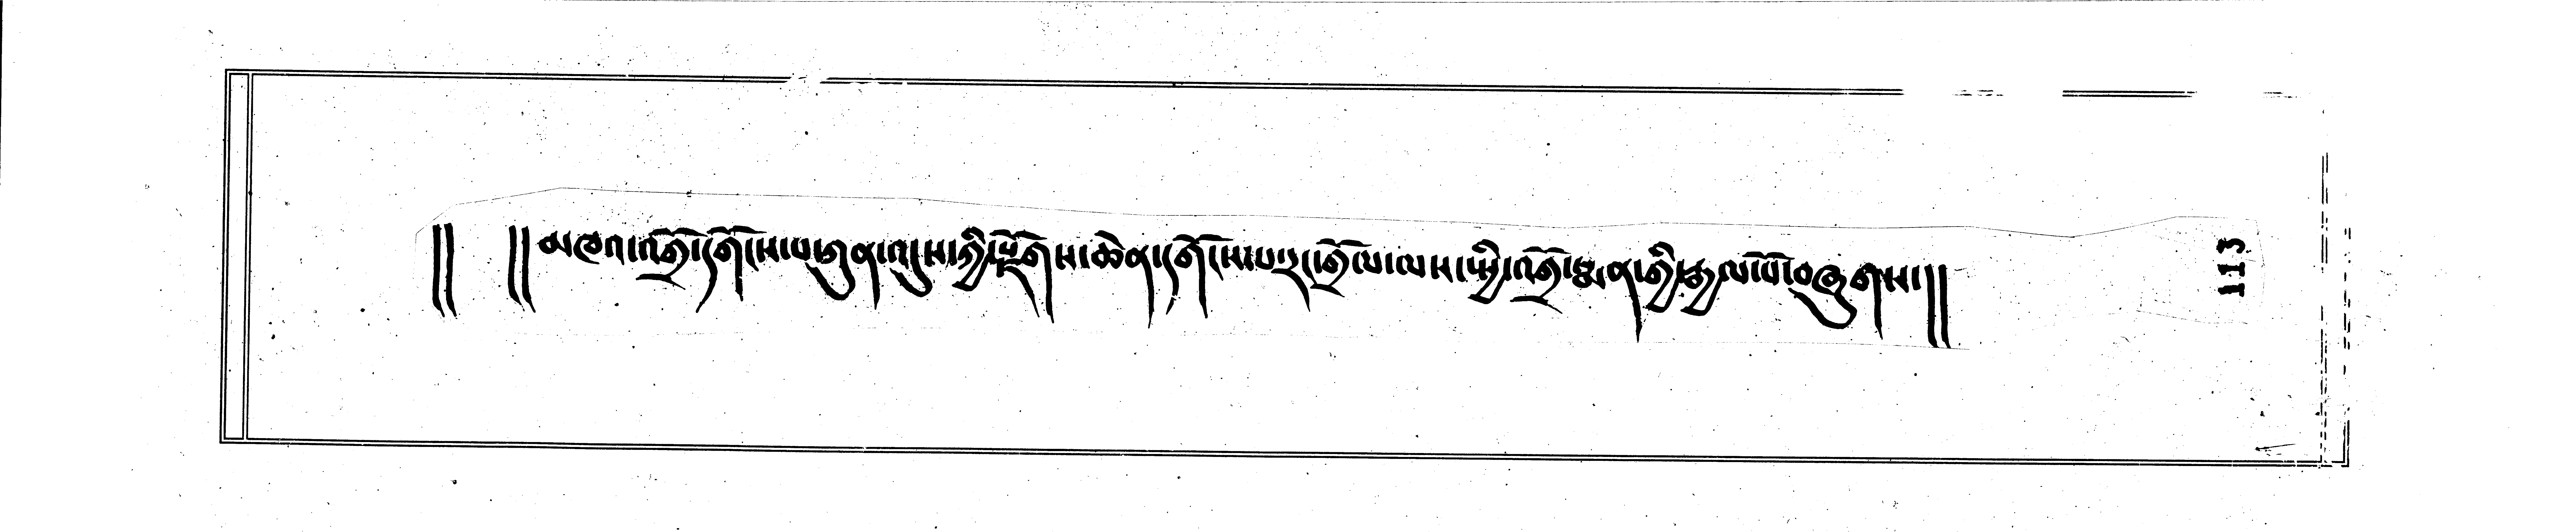མཁའ་འགྲོ་དགོངས་པ་ཀུན་འདུས་ཀྱི་རྫོགས་ཆེན་དགོངས་པ་རང་གྲོལ་ལས་སྤྱི་འགྲོ་སྨན་གྱི་རྒྱལ་པོ་བཞུགས། །